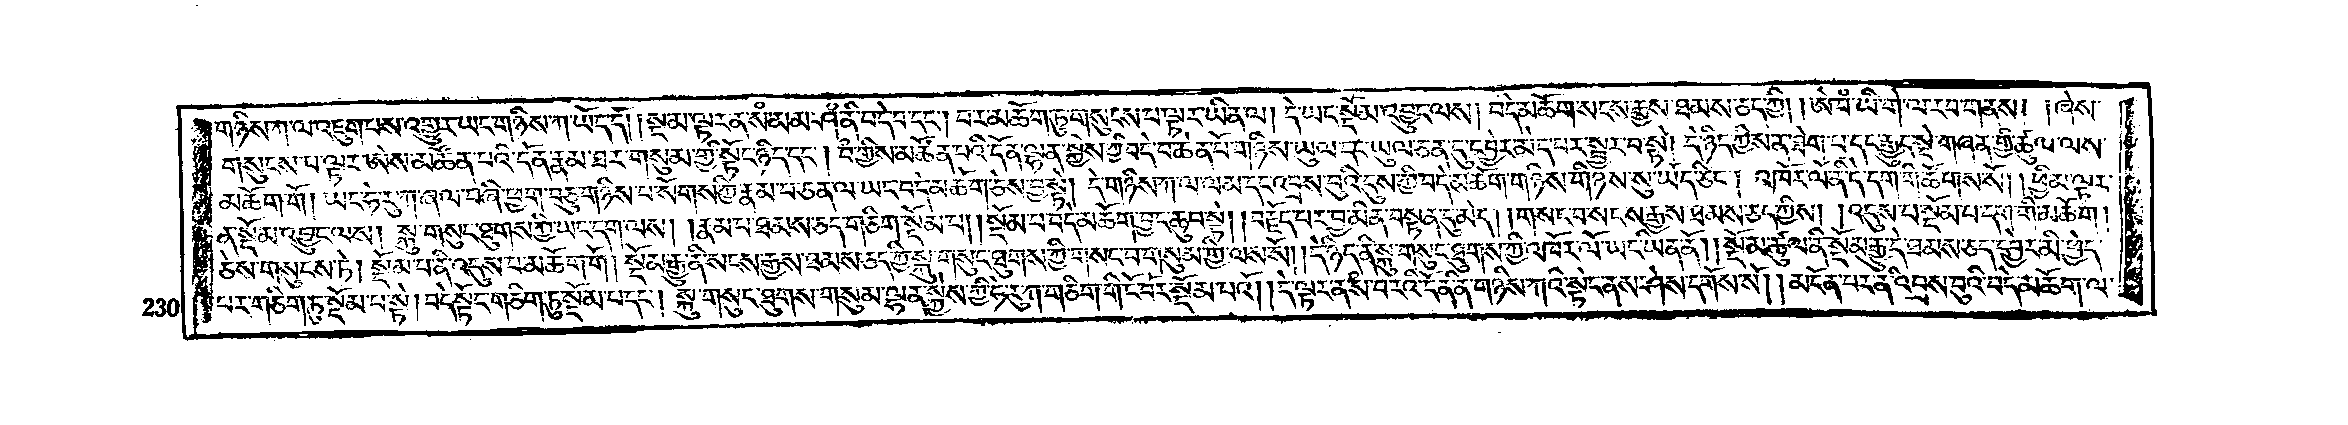གཉིས་ཀ་ལ་འཇུག་པས་འགྱུར་ཡང་གཉིས་ཀ་ཡོད་དོ། །སྔ་མ་ལྟར་ན་སཾ་མམ་ཤཾ་ནི་བདེ་བ་དང་། བ་ར་མཆོག་ཏུ་གསུངས་པ་ལྟར་ཡིན་ལ། དེ་ཡང་སྡོམ་འབྱུང་ལས། བདེ་མཆོག་སངས་རྒྱས་ཐམས་ཅད་ཀྱི། །ཨེ་བཾ་ཡི་གེ་ལ་རབ་གནས། །ཞེས་
གསུངས་པ་ལྟར་ཨེས་མཚོན་པའི་དོན་རྣམ་ཐར་གསུམ་གྱི་སྟོང་ཉིད་དང་། བཾ་གྱིས་མཚོན་པའི་དོན་ལྷན་སྐྱེས་ཀྱི་བདེ་བ་ཆེན་པོ་གཉིས་ཡུལ་དང་ཡུལ་ཅན་དུ་དབྱེར་མེད་པར་སྦྱར་བ་སྟེ། དེ་ཉིད་ཀྱིས་ན་ཐེག་པ་དང་རྒྱུད་སྡེ་གཞན་གྱི་ཚུལ་ལས་
མཆོག་གོ། ཡང་ཧེ་རུ་ཀ་ཞལ་བཞི་ཕྱག་བཅུ་གཉིས་པ་སོགས་ཀྱི་རྣམ་པ་ཅན་ལ་ཡང་བདེ་མཆོག་ཅེས་བྱ་སྟེ། དེ་གཉིས་ཀ་ལ་ལམ་དང་འབྲས་བུའི་དུས་ཀྱི་བདེ་མཆོག་གཉིས་གཉིས་སུ་ཡོད་ཅིང་། འཁོར་ལོ་ནི་དེ་དག་གི་ཚོགས་སོ། །ཕྱི་མ་ལྟར་
ན་སྡོམ་འབྱུང་ལས། སྐུ་གསུང་ཐུགས་ཀྱི་ཡང་དག་ལས། །རྣམ་པ་ཐམས་ཅད་གཅིག་སྡོམ་པ། །སྡོམ་པ་བདེ་མཆོག་བྱང་ཆུབ་སྟེ། །བརྗོད་པར་བྱ་མིན་བསྟན་དུ་མེད། །གསང་བ་སངས་རྒྱས་ཐམས་ཅད་ཀྱིས། །འདུས་པ་སྡོམ་པ་དག་གི་མཆོག །
ཅེས་གསུངས་ཏེ། སྡོམ་པ་ནི་འདུས་པ་མཆོག་གོ། སྡོམ་རྒྱུ་ནི་སངས་རྒྱས་ཐམས་ཅད་ཀྱི་སྐུ་གསུང་ཐུགས་ཀྱི་གསང་བ་གསུམ་གྱི་ལས་སོ། །དེ་ཉིད་ནི་སྐུ་གསུང་ཐུགས་ཀྱི་འཁོར་ལོ་ཡང་ཡིན་ནོ། །སྡོམ་ཚུལ་ནི་སྡོམ་རྒྱུ་དེ་ཐམས་ཅད་དབྱེར་མི་ཕྱེད་
པར་གཅིག་ཏུ་སྡོམ་པ་སྟེ། བདེ་སྟོང་གཅིག་ཏུ་སྡོམ་པ་དང་། སྐུ་གསུང་ཐུགས་གསུམ་ལྷན་སྐྱེས་ཀྱི་ཧེ་རུ་ཀ་གཅིག་གི་ངོ་བོར་སྡོམ་པའོ། །དེ་ལྟར་ན་སཾ་བ་རའི་དོན་ནི་གཉིས་ཀའི་སྟེང་ནས་ཤེས་དགོས་སོ། །མངོན་པར་ནི་འབྲས་བུའི་བདེ་མཆོག་ལ་